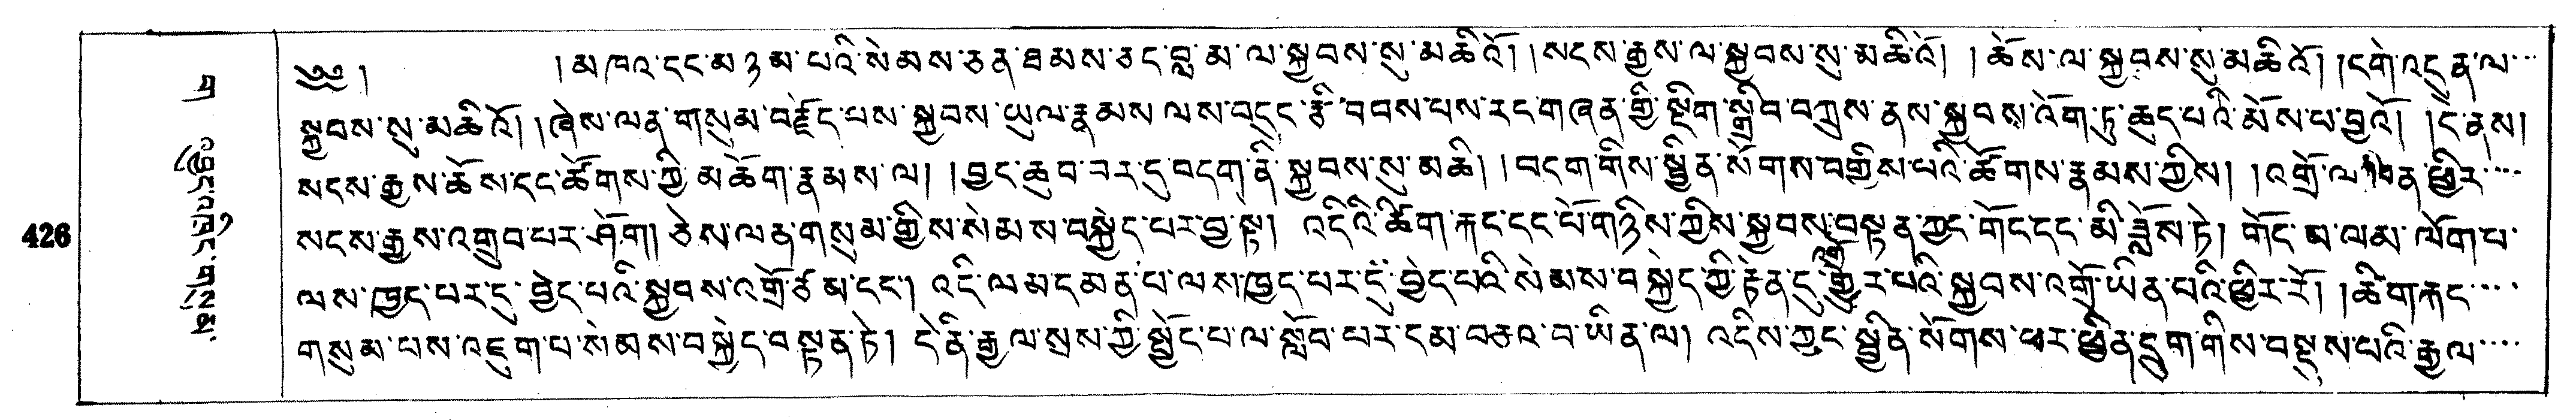༄༅། །མཁའ་དང་མཉམ་པའི་སེམས་ཅན་ཐམས་ཅད་བླ་མ་ལ་སྐྱབས་སུ་མཆིའོ། །སངས་རྒྱས་ལ་སྐྱབས་སུ་མཆིའོ། །ཆོས་ལ་སྐྱབས་སུ་མཆིའོ། །དགེ་འདུན་ལ་
སྐྱབས་སུ་མཆིའོ། །ཞེས་ལན་གསུམ་བརྗོད་པས་སྐྱབས་ཡུལ་རྣམས་ལས་བདུད་རྩི་བབས་པས་རང་གཞན་གྱི་སྡིག་སྒྲིབ་བཀྲུས་ནས་སྐྱབས་འོག་ཏུ་ཆུད་པའི་མོས་པ་བྱའོ། །དེ་ནས།
སངས་རྒྱས་ཆོས་དང་ཚོགས་ཀྱི་མཆོག་རྣམས་ལ། །བྱང་ཆུབ་བར་དུ་བདག་ནི་སྐྱབས་སུ་མཆི། །བདག་གིས་སྦྱིན་སོགས་བགྱིས་པའི་ཚོགས་རྣམས་ཀྱིས། །འགྲོ་ལ་ཕན་ཕྱིར་
སངས་རྒྱས་འགྲུབ་པར་ཤོག །ཅེས་ལན་གསུམ་གྱིས་སེམས་བསྐྱེད་པར་བྱ་སྟེ། འདིའི་ཚིག་རྐང་དང་པོ་གཉིས་ཀྱིས་བསྐྱབས་བསྟན་ཀྱང་གོང་དང་མི་ཟློས་ཏེ། གོང་མ་ལམ་ལོག་པ་
ལས་ཁྱད་པར་དུ་བྱེད་པའི་སྐྱབས་འགྲོ་ཙམ་དང་། འདི་ལམ་དམན་པ་ལས་ཁྱད་པར་དུ་བྱེད་པའི་སེམས་བསྐྱེད་ཀྱི་རྟེན་དུ་གྱུར་པའི་སྐྱབས་འགྲོ་ཡིན་པའི་ཕྱིར་རོ། །ཚིག་རྐང་
གསུམ་པས་འཇུག་པ་སེམས་བསྐྱེད་བསྟན་ཏེ། དེ་ནི་རྒྱལ་སྲས་ཀྱི་སྤྱོད་པ་ལ་སློབ་པར་དམ་བཅའ་བ་ཡིན་ལ། འདིས་ཀྱང་སྦྱིན་སོགས་ཕར་ཕྱིན་དྲུག་གིས་བསྡུས་པའི་རྒྱལ་